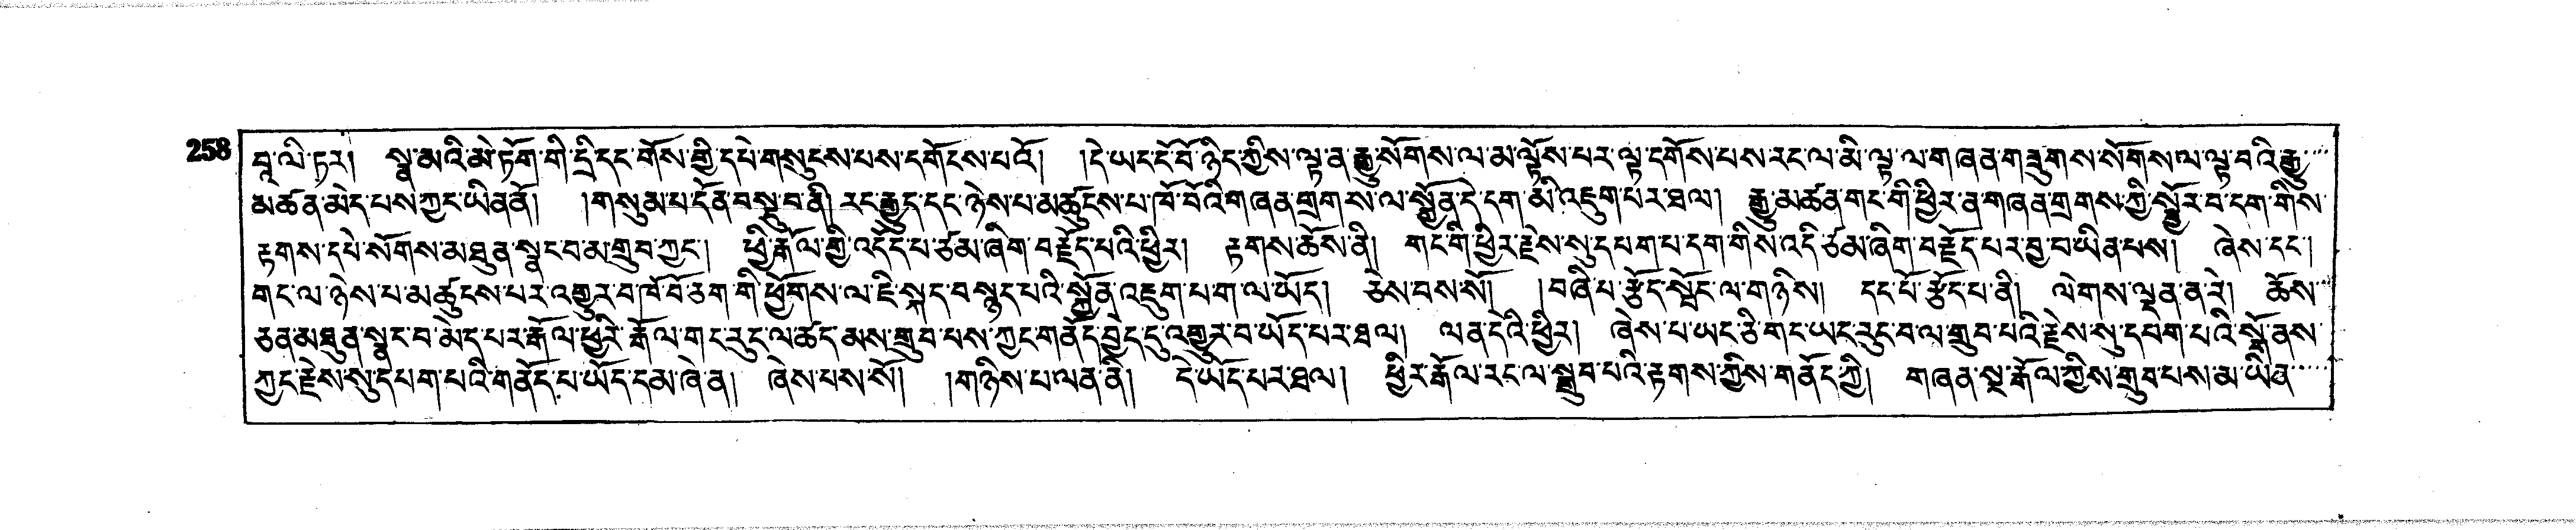བཱ་ལི་ཏར། སྣ་མའི་མེ་ཏོག་གི་དྲི་དང་གོས་གྱི་དཔེ་གསུངས་པས་དགོངས་པའོ། །དེ་ཡང་ངོ་བོ་ཉིད་ཀྱིས་ལྟ་ན་རྒྱུ་སོགས་ལ་མ་ལྟོས་པར་ལྟ་དགོས་པས་རང་ལ་མི་ལྟ་ལ་གཞན་གཟུགས་སོགས་ལ་ལྟ་བའི་རྒྱུ་
མཚན་མེད་པས་ཀྱང་ཡིན་ནོ། །གསུམ་པ་དོན་བསྡུ་བ་ནི། རང་རྒྱུད་དང་ཉེས་པ་མཚུངས་པ་ཁོ་བོའི་གཞན་གྲགས་ལ་སྐྱོན་དེ་དག་མི་འཇུག་པར་ཐལ། རྒྱུ་མཚན་གང་གི་ཕྱིར་ན་གཞན་གྲགས་ཀྱི་སྦྱོར་བ་དག་གིས་
རྟགས་དཔེ་སོགས་མཐུན་སྣང་བ་མ་གྲུབ་ཀྱང་། ཕྱི་རྒོལ་གྱི་འདོད་པ་ཙམ་ཞིག་བརྗོད་པའི་ཕྱིར། རྟགས་ཆོས་ནི། གང་གི་ཕྱིར་རྗེས་སུ་དཔག་པ་དག་གིས་འདི་ཙམ་ཞིག་བརྗོད་པར་བྱ་བ་ཡིན་པས། ཞེས་དང་།
གང་ལ་ཉེས་པ་མཚུངས་པར་འགྱུར་བ་ཁོ་བོ་ཅག་གི་ཕྱོགས་ལ་ཇི་སྐད་བསྙད་པའི་སྐྱོན་འཇུག་པ་ག་ལ་ཡོད། ཅེས་བས་སོ། །བཞ་བ་རྩོད་སྦོང་ལ་གཉིས། དང་པོ་རྩོད་པ་ནི། ལེགས་ལྡན་ན་རེ། ཆོས་
ཅན་མཐུན་སྣང་བ་མེད་པར་རྒོལ་ཕྱིར་རྒོལ་གང་རུང་ལ་ཚད་མས་གྲུབ་པས་ཀྱང་གནོད་བྱེད་དུ་འགྱུར་བ་ཡོད་པར་ཐལ། ལན་དེའི་ཕྱིར། ཞེས་པ་ཡང་ཅི་གང་ཡང་རུང་བ་ལ་གྲུབ་པའི་རྗེས་སུ་དཔག་པའི་སྒོ་ནས་
ཀྱང་རྗེས་སུ་དཔག་པའི་གནོད་པ་ཡོད་དམ་ཞེ་ན། ཞེས་པས་སོ། །གཉིས་པ་ལན་ནི། དེ་ཡོད་པར་ཐལ། ཕྱིར་རྒོལ་རང་ལ་སྒྲུབ་པའི་རྟགས་ཀྱིས་གནོད་ཀྱི། གཞན་སྔ་རྒོལ་ཀྱིས་གྲུབ་པས་མ་ཡིན་